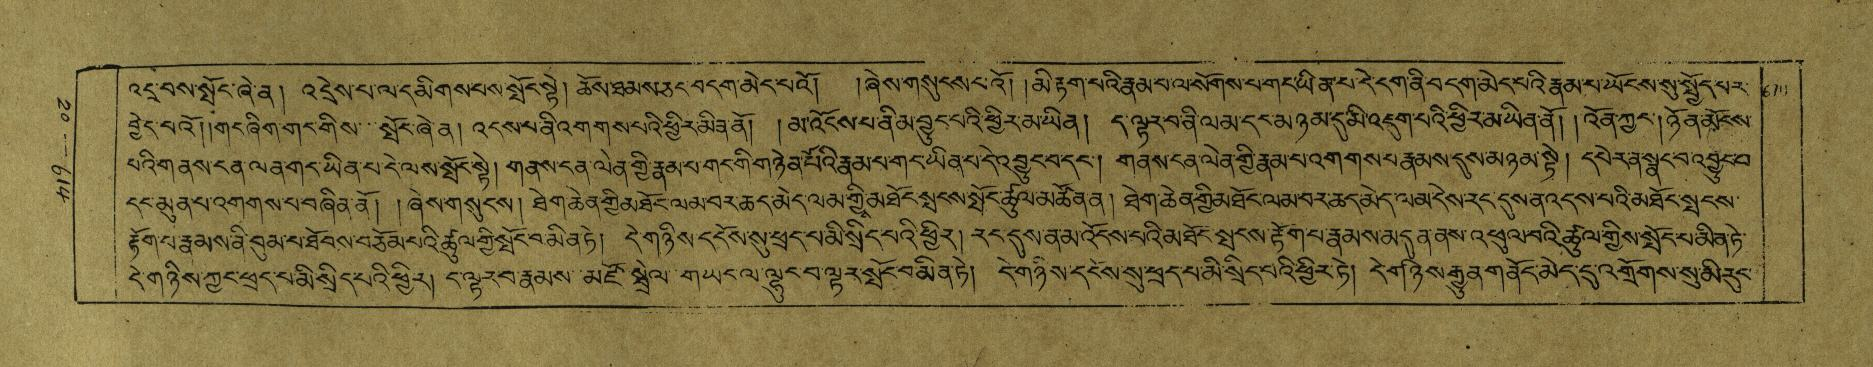འདྲ་བས་སྤོང་ཞེ་ན། འདྲེས་པ་ལ་དམིགས་པས་སྤོང་སྟེ། ཆོས་ཐམས་ཅད་བདག་མེད་པའོ། །ཞེས་གསུངས་པའོ། །མི་རྟག་པའི་རྣམ་པ་ལ་སོགས་པ་གང་ཡིན་པ་དེ་དག་ནི་བདག་མེད་པའི་རྣམ་པ་ཡོངས་སུ་སྤྱོད་པར་
བྱེད་པའོ། །གང་ཞིག་གང་གིས་སྤོང་ཞེ་ན། འདས་པ་ནི་འགགས་པའི་ཕྱིར་མིན་ནོ། །མ་འོངས་པ་ནི་མ་བྱུང་བའི་ཕྱིར་མ་ཡིན། ད་ལྟར་བ་ནི་ལམ་དང་མཉམ་དུ་མི་འཇུག་པའི་ཕྱིར་མ་ཡིན་ནོ། །འོན་ཀྱང་། ཉོན་མོངས་
པའི་གནས་ངན་ལན་གང་ཡིན་པ་དེ་ལས་སྤོང་སྟེ། གནས་ངན་ལེན་གྱི་རྣམ་པ་གང་གི་གཉེན་པོའི་རྣམ་པ་གང་ཡིན་པ་དེ་འབྱུང་བ་དང་། གནས་ངན་ལེན་གྱི་རྣམ་པ་འགགས་པ་རྣམས་དུས་མཉམ་སྟེ། དཔེར་ན་སྣང་བ་འབྱུང་བ་
དང་མུན་པ་འགགས་པ་བཞིན་ནོ། །ཞེས་གསུངས། ཐེག་ཆེན་གྱི་མཐོང་ལམ་བར་ཆད་མེད་ལམ་གྱིས་མཐོང་སྤངས་སྤོང་ཚུལ་མཚོན་ན། ཐེག་ཆེན་གྱི་མཐོང་ལམ་བར་ཆད་མེད་ལམ་ངེས་རང་དུས་ན་འདས་པའི་མཐོང་སྤངས་
རྟོག་པ་རྣམས་ནི་བུམ་པ་ཐོབས་བཅོམ་པའི་ཚུལ་གྱི་སྤོང་བ་མིན་ཏེ། དེ་གཉིས་དངོས་སུ་ཕྲད་པ་མི་སྲིད་པའི་ཕྱིར། རང་དུས་ན་མ་འོངས་པའི་མཐོང་སྤངས་རྟོག་པ་རྣམས་མདུན་ནས་འཕུལ་བའི་ཚུལ་གྱིས་སྤོང་པ་མིན་ཏེ་
དེ་གཉིས་ཀྱང་ཕྲད་པ་མི་སྲིད་པའི་ཕྱིར། ད་ལྟར་བ་རྣམས་མཛོ་སྦྲེལ་གཡང་ལ་ལྟུང་བ་ལྟར་སྤོང་བ་མིན་ཏེ། དེ་གཉིས་དངོས་སུ་ཕྲད་པ་མི་སྲིད་པའི་ཕྱིར་ཏེ། དེ་གཉིས་རྒྱུན་གནོད་མེད་དུ་འགྲོགས་སུ་མི་རུང་